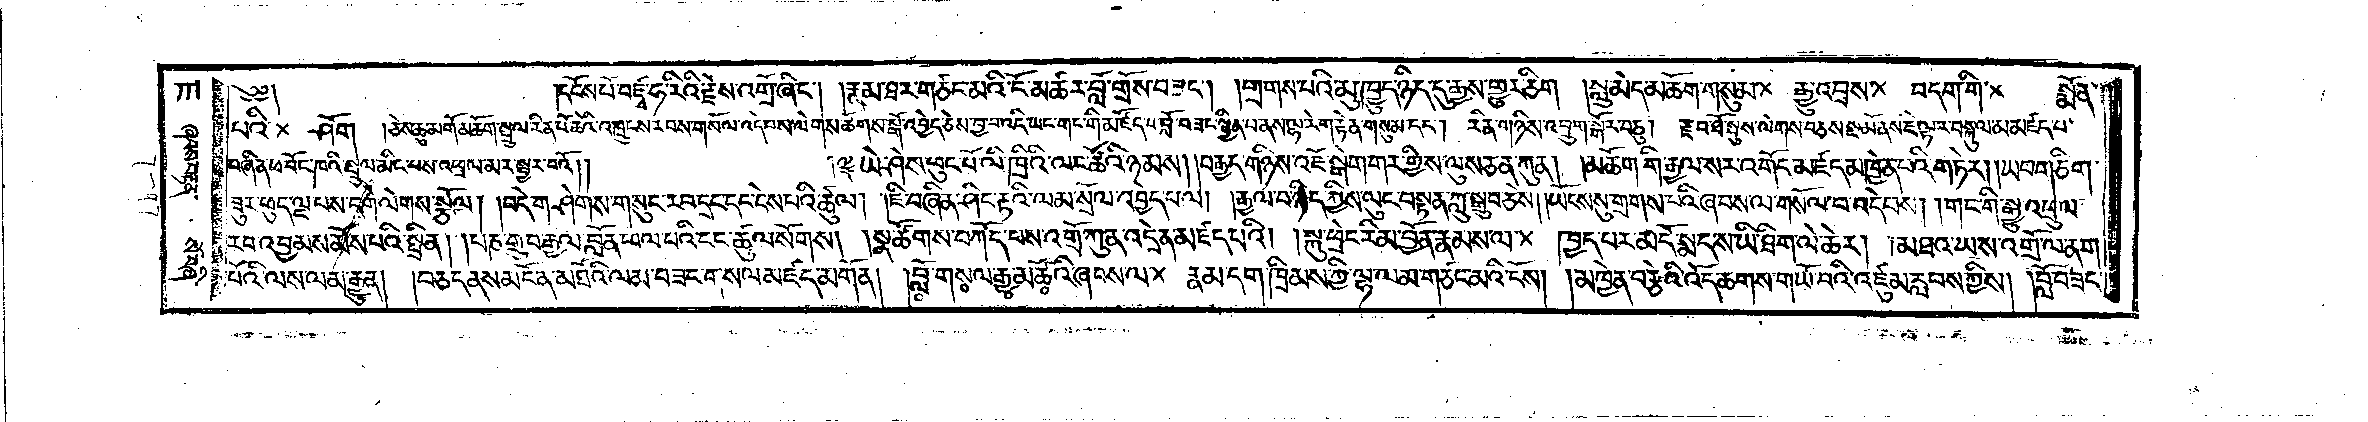༄༅། །དངོས་པོ་བཛྲ་ཧ་རིའི་རྗེས་འགྲོ་ཞིང་། །རྣམ་ཐར་གཙང་མའི་ངོ་མཚར་བློ་གྲོས་བཟང་། །གྲགས་པའི་མུ་ཁྱུད་ཉིད་དུ་རྒྱས་གྱུར་ཅིག །སླུ་མེད་མཆོག་གསུམ་྾་རྒྱུ་འབྲས་྾་བདག་གི་྾་སྨོན་
པའི་྾་ཤོག །ཅེས་ཆུ་མགོ་མཆོག་སྤྲུལ་རིན་པོ་ཆེའི་འཁྲུངས་རབས་གསལ་འདེབས་ལེགས་ཚོགས་སྒོ་འབྱེད་ཅེས་བྱ་བ་འདི་ཡང་གང་གི་མཛོད་པ་བློ་བཟང་སྦྱིན་པ་ནས་ལྷ་རེག་རྟེན་གསུམ་དང་། རིན་གཉིས་འབྲུག་སྒོར་བཅུ། །རྫ་བ་ཐོ་སྤུས་ལེགས་བཅས་སྔ་མོ་ནས་ཇི་ལྟར་བསྐུལ་མ་མཛད་པ་
བཞིན་ཕ་བོང་ཁའི་སྤྲུལ་མིང་པས་འཕྲལ་མར་སྦྱར་བའོ།། ། ༈ ཡེ་ཤེས་ཕུང་པོ་ལི་ཁྲིའི་ལང་ཚོའི་ཉམས། །བརྒྱད་གཉིས་འཇོ་སྒེག་གར་གྱིས་ལུས་ཅན་ཀུན། །མཆོག་གི་རྒྱལ་སར་འགོད་མཛད་མཁྱེན་པའི་གཏེར། །ཡབ་གཅིག་
ཟུར་ཕུད་ལྔ་པས་དགེ་ལེགས་སྩོལ། །བདེ་གཤེགས་གསུང་རབ་དྲང་དང་ངེས་པའི་ཚུལ། །ཇི་བཞིན་ཤིང་རྟའི་ལ་མ་སྲོལ་འབྱེད་པ་ལ། །རྒྱལ་བ་ཉིད་ཀྱིས་ལུང་བསྟན་ཀླུ་སྒྲུབ་ཅེས། །ཡོངས་སུ་གྲགས་པའི་ཞབས་ལ་གསོལ་བ་འདེབས། །གང་གི་སྒྱུ་འཕྲུལ་
རབ་འབྱམས་མོས་པའི་སྤྲིན། །པཎ་གྲུབ་རྒྱལ་བློན་ཕལ་པའི་ངག་ཚུལ་སོགས། །སྣ་ཚོགས་བཀོད་པས་འགྲོ་ཀུན་འདྲེན་མཛད་པའི། །སྐུ་ཕྲེང་རིམ་བྱོན་རྣམས་ལ་྾་ཁྱད་པར་མདོ་སྨད་ས་ཡི་ཐིག་ལེ་ཆེར། །མཐའ་ཡས་འགྲོ་ལ་ནག་
པོའི་ལས་ལམ་རྒྱུན། །བཅད་ནས་མངོན་མཐོའི་ལམ་བཟང་གསལ་མཛད་མགོན། །བློ་གསལ་རྒྱ་མཚོའི་ཞབས་ལ་྾་རྣམ་དག་ཁྲིམས་ཀྱི་ལྷ་ལམ་གཙང་མའི་ངོས། །མཁྱེན་བརྩེའི་འོད་ཆགས་གཡོ་བའི་འཛུམ་རླབས་ཀྱིས། །བློ་བཟང་